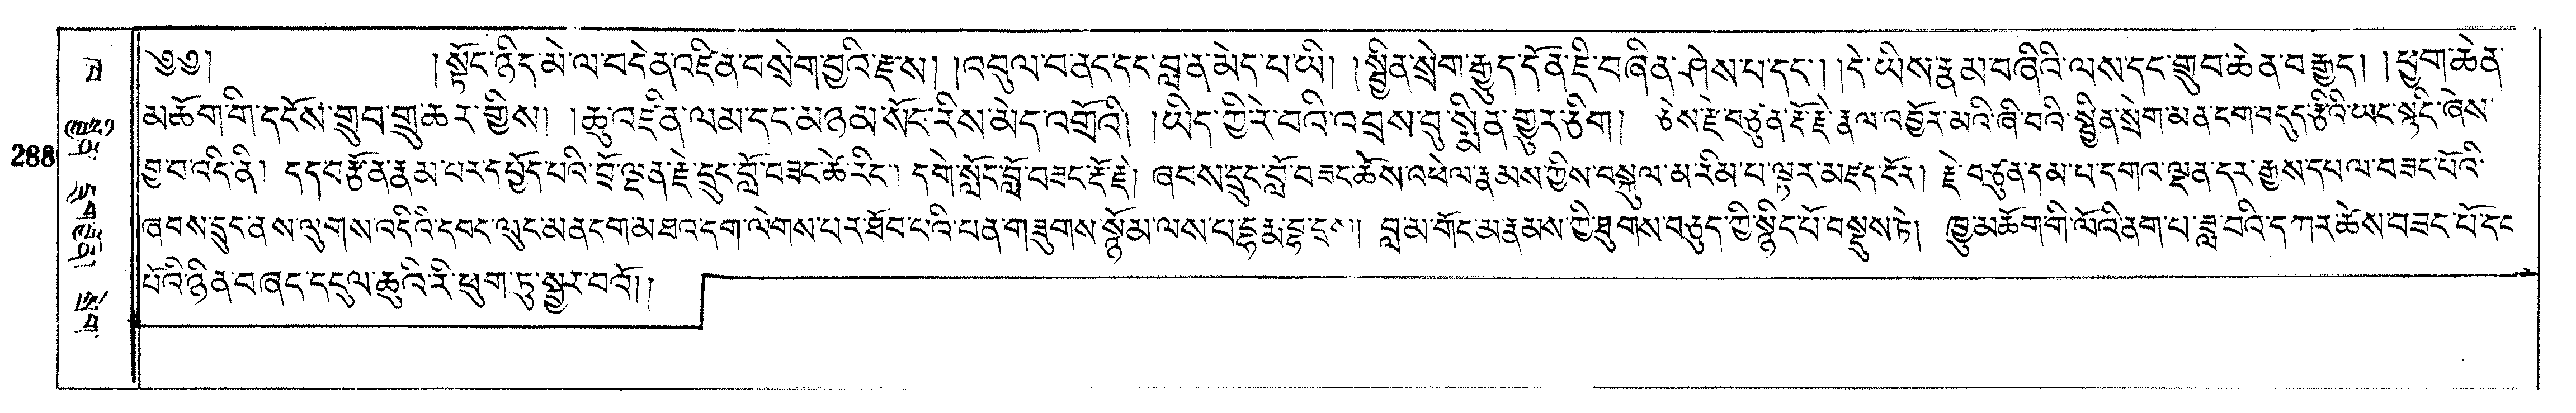༄༅། །སྟོང་ཉིད་མེ་ལ་བདེན་འཛིན་བསྲེག་བྱའི་རྫས། །འབུལ་བ་ནང་དང་བླ་ན་མེད་པ་ཡི། །སྦྱིན་སྲེག་རྒྱུད་དོན་ཇི་བཞིན་ཤེས་པ་དང་། །དེ་ཡིས་རྣམ་བཞིའི་ལས་དང་གྲུབ་ཆེན་བརྒྱད། །ཕྱག་ཆེན་
མཆོག་གི་དངོས་གྲུབ་གྲུ་ཆར་གྱིས། །ཆུ་འཛིན་ལམ་དང་མཉམ་སོང་རིས་མེད་འགྲོའི། །ཡིད་ཀྱི་རེ་བའི་འབྲས་བུ་སྨིན་གྱུར་ཅིག །ཅེས་རྗེ་བཙུན་རྡོ་རྗེ་རྣལ་འབྱོར་མའི་ཞི་བའི་སྦྱིན་སྲེག་མན་སྔག་བདུད་རྩིའི་ཡང་སྙིང་ཞེས་
བྱ་བ་འདི་ནི། དད་བརྩོན་རྣམ་པར་དཔྱོད་པའི་བློ་ལྡན་རྗེ་དྲུང་བློ་བཟང་ཚེ་རིང་། དགེ་སློང་བློ་བཟང་རྡོ་རྗེ། ཞབས་དྲུང་བློ་བཟང་ཆོས་འཕེལ་རྣམས་ཀྱིས་བསྐུལ་མ་རིམ་པ་ལྟར་མཛད་དོར། རྗེ་བཙུན་དམ་པ་དགའ་ལྡན་དར་རྒྱས་དཔལ་བཟང་པོའི་
ཞབས་དྲུང་ནས་ལུགས་འདིའི་དབང་ལུང་མན་ངག་མཐའ་དག་ལེགས་པར་ཐོག་པའི་པན་གཟུགས་སྙོམ་ལས་པ་བྷ་དྲས། བླ་མ་གོང་མ་རྣམས་ཀྱི་ཐུགས་བཅུད་ཀྱི་སྙིང་པོ་བསྡུས་ཏེ། བྱུ་མཆོག་གི་ལོའི་ནག་པ་ཟླ་བའི་དཀར་ཆོས་བཟང་པོ་དང་
པོའི་ཉིན་བཞད་དངུལ་ཆུའི་རི་ཕུག་ཏུ་སྦྱར་བའོ།། །།